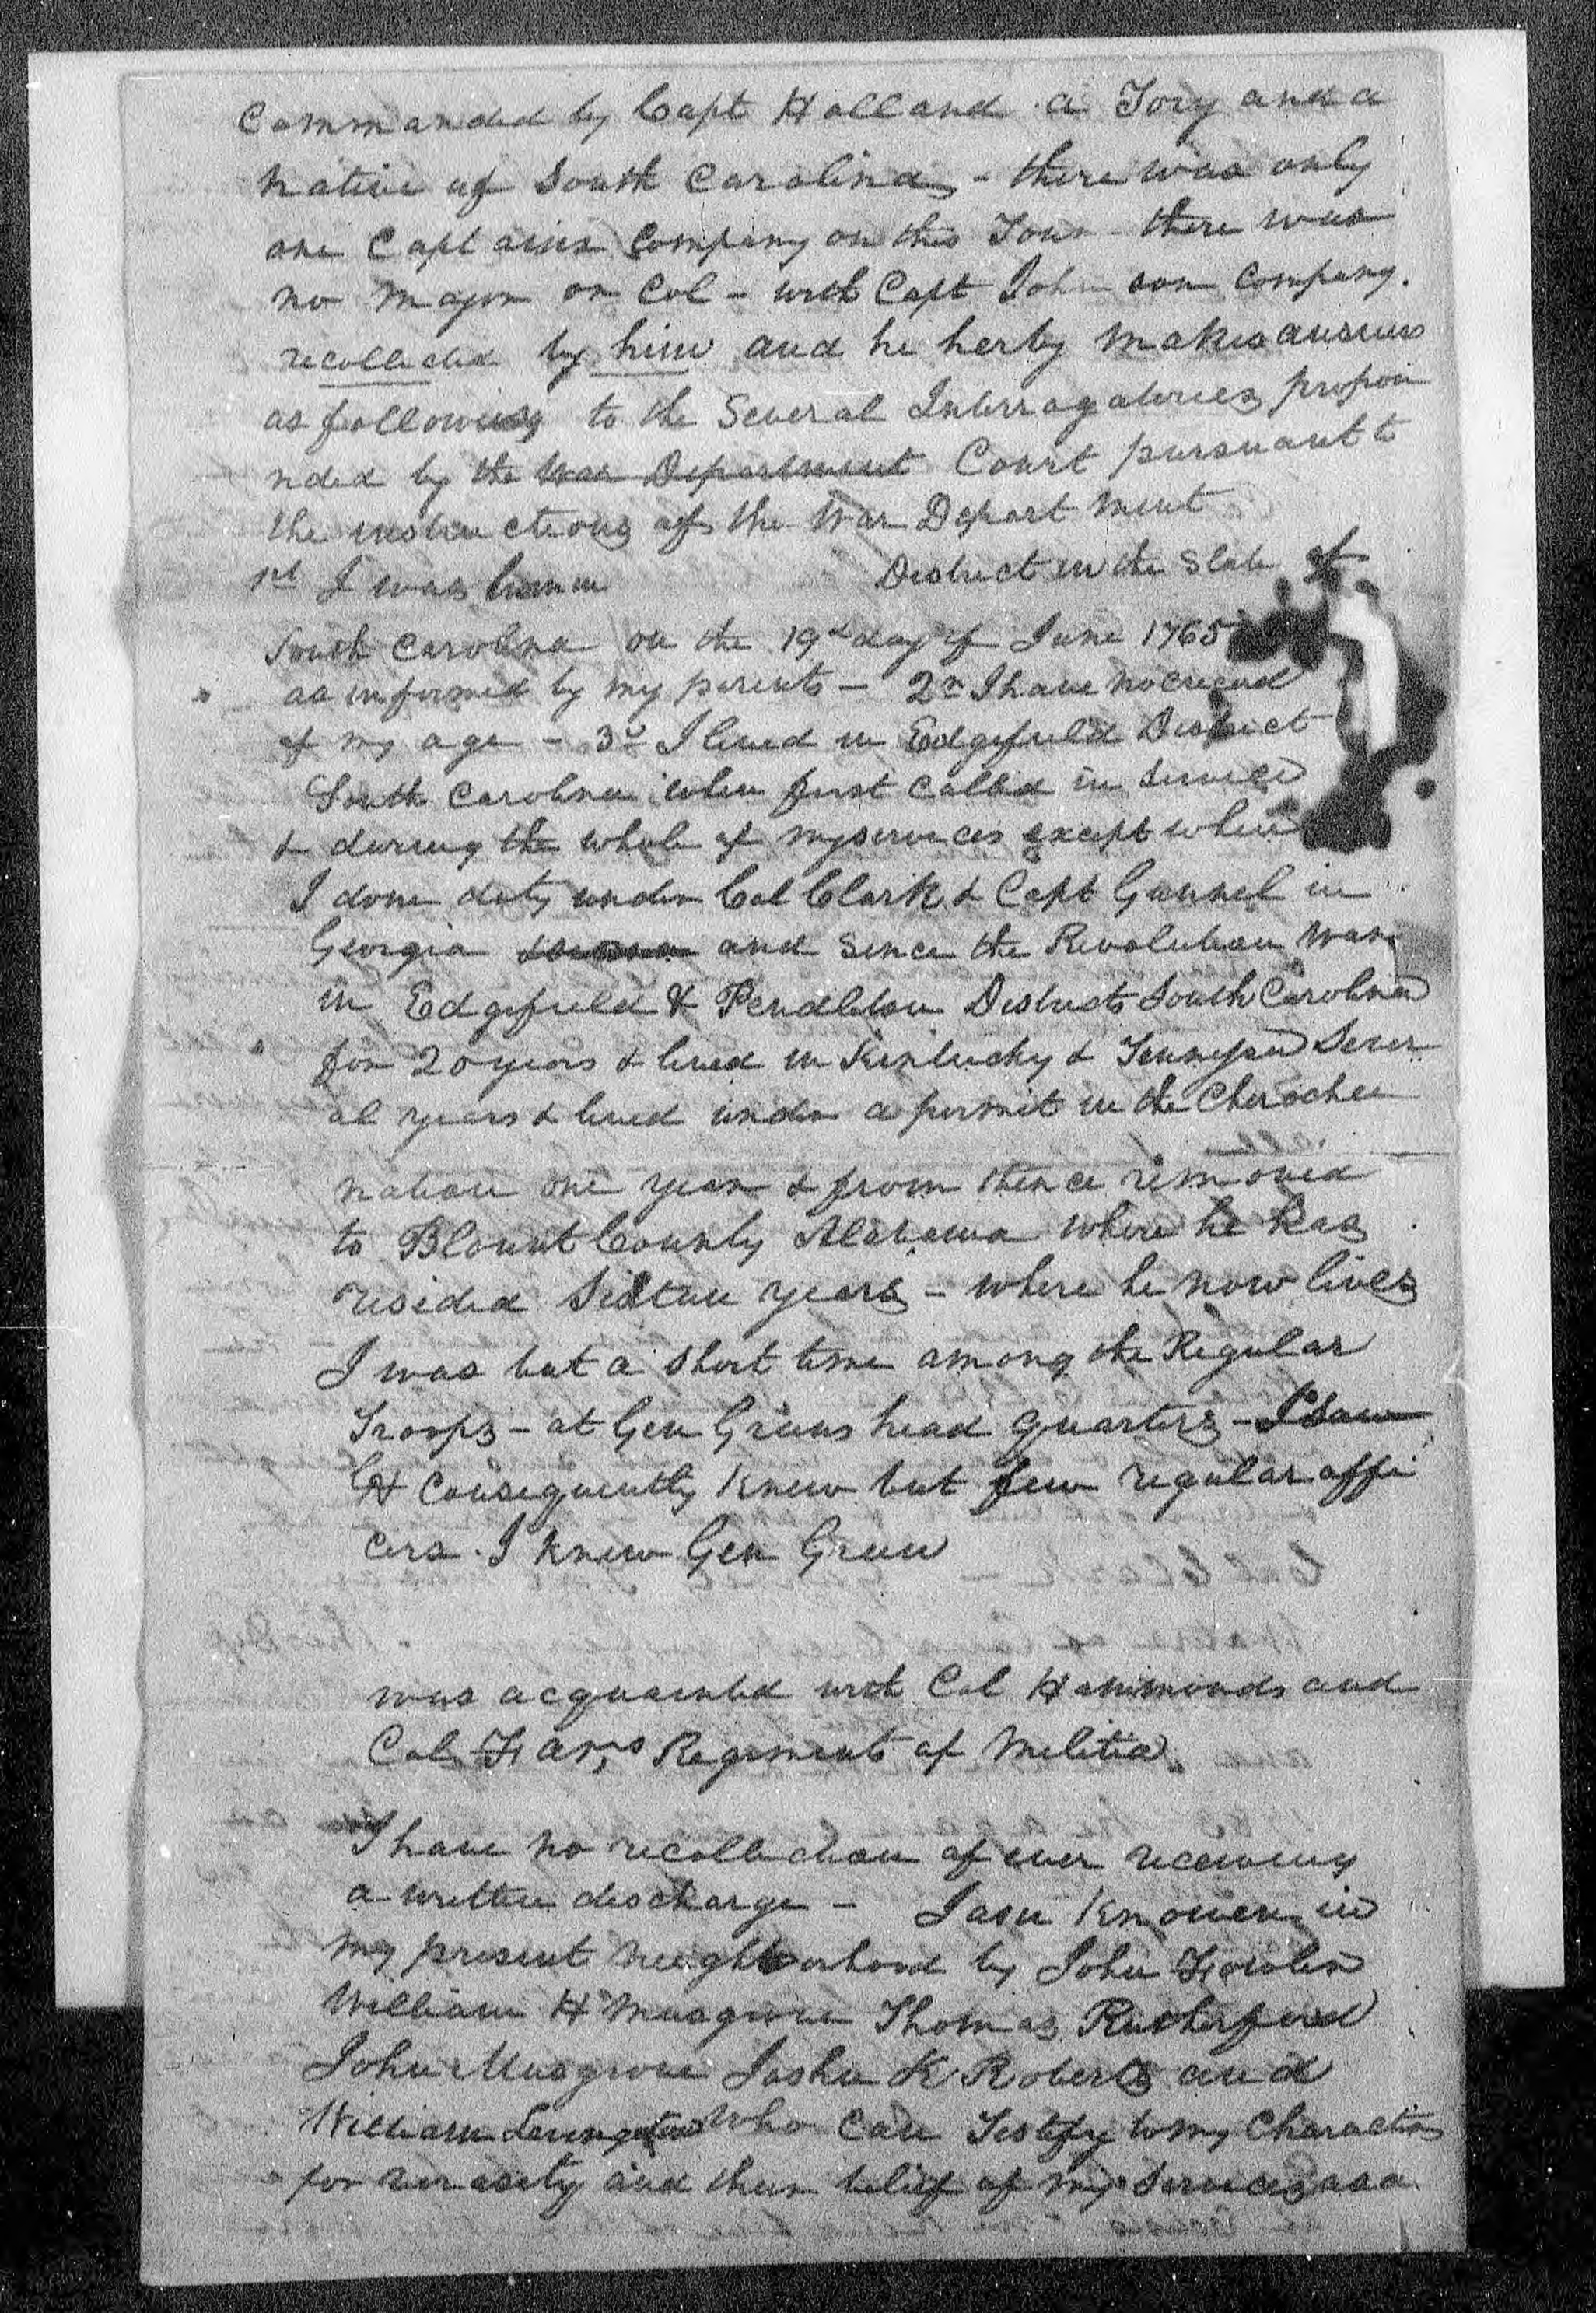commanded by Capt Holland a Tory and a 
native of South Carolina.  there was only
one Captains Company on this Tour  there was 
no Major or Col with Capt Johnson company.
recollected by him and he herby makes answers 
as following o the Several Interrogatories propositioned 
by the War Department 
1st I was born in [blank space] District in the  State of
South Carolina on the 19th day of June 1765
as informed by my parents 
2nd I have no record
of my age 
3rd I have lived in Edgefield District
South Carolina when first called in Service
& during the whole of my services except when
I done duty under Col Clark & Capt Gunel in
Georgia and since the Revolutionary War
in Edgefield & Pendleton Districts South Carolina
for 20 years & lived in Kentucky & Tennessee several 
years & lived under a permit in the Cherokee
nation one year & from thence removed
to Blount County Alabama where he resided sixteen years - where he now lives
I was but a short time among the Regular
Troops at Gen Greens headquarters - I saw
consequently knew but few regular officers.  I know Gen Green [blank space]
was acquainted with Col Hammonds and 
Col Faris Regiments of Militia
I have no recollection of ever receiving
a written discharge - I am knownn in 
my present neighborhood by John Fowler
William h Musgrave Josha K Roberts and
William Lovingston who can terstify to my character
for veracity and their belief of my service as a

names: [BLANK] Green; [BLANK] Holland; [BLANK] Clark; [BLANK] Gunnel; William H Musgrove; [BLANK] Hammonds; Josha K Roberts; William Levingston; John Fowler; John Musgrove; Thomas Rutherford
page: 10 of 45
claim: widow's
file: W. 26160, for Thomas C Jones, Georgia